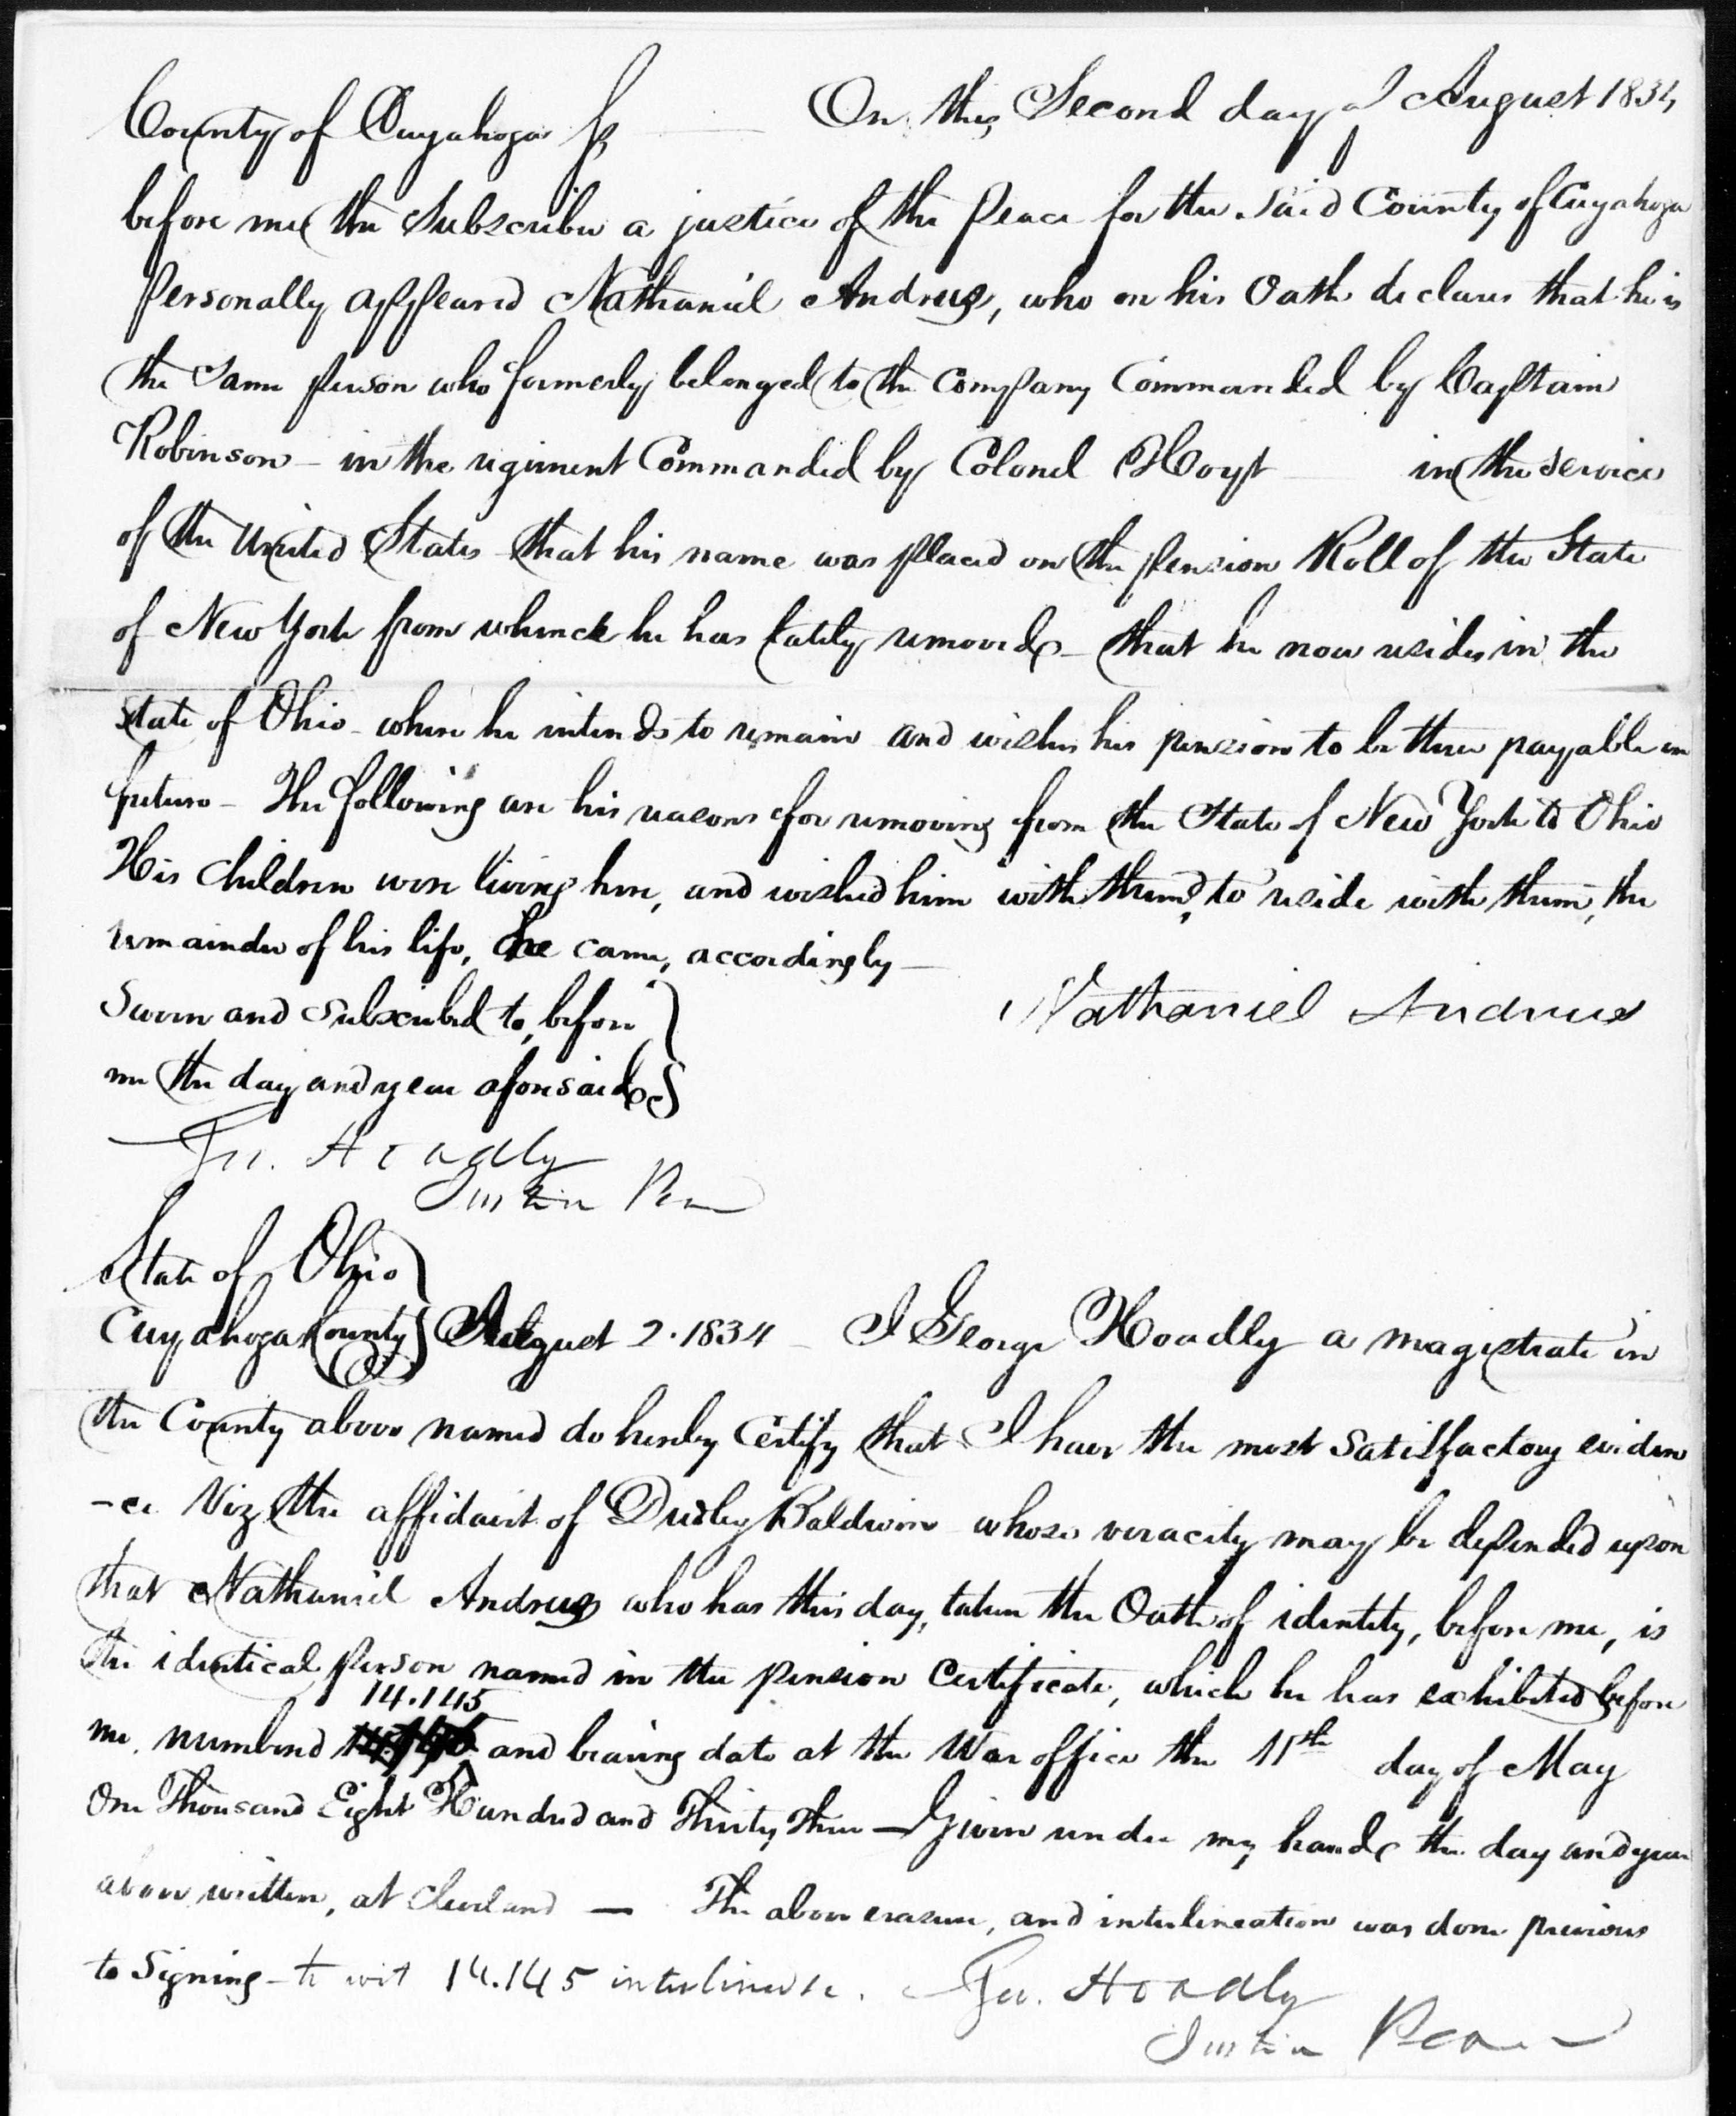County of Cuyahoga
On this Second day of August 1834
before me the Subscriber a justice of the Peace for the said County of Cuyahoga
Personally appeared Nathaniel Andrews, who on his Oath declares that he is
the same person who formerly belonged to the company commanded by Captain
Robinson in the regiment commanded by Colonel Hoyt
in the service
of the United States that his name was placed on the pension Roll of the State of
New York from whence he has lately removed that he now resides in the
State of Ohio, where he intends to remain and wishes his pension to be there payable in
future. The following are his reasons for removing from the State of New York to Ohio
His children were living here, and wished him with them to reside with them, the
remainder of his life, he came accordingly
Nathaniel Andrews
Sworn and subscribed to before
me the day and year aforesaid 
Ju, Hoadly
Justice [illegible]
State of Ohio
Cuyahoga County August 2 1834. I George Hoadly a Magistrate in
the County above named do hereby certify that I have the most satisfactory evidence 
Viz the affidavit of Dudley Baldwin whose veracity may be depended upon
that Nathaniel Andrews who has this day taken the Oath of identity, before me, is
14.145
the identical person named in the pension certificate, which he has exhibited before
me numbered 14.145 and bearing date at the War office the 11th day of May
One Thousand Eight Hundred and Thirty Three Given under my hand the day and year
above written, at Clevland The above case, and interlineation was done previous
to Signing to wit 14.145 interline Gen. Hoadly
Justice Peace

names: Nathaniel Andreus, Dudley Baldwin, Geo Hoadly, George Hoadly, Hoyt, Nathaniel Andrus, Robinson, Nathaniel Andrus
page: 4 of 78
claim: widow's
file: W. 4117, Nathaniel Bradley, Conn.